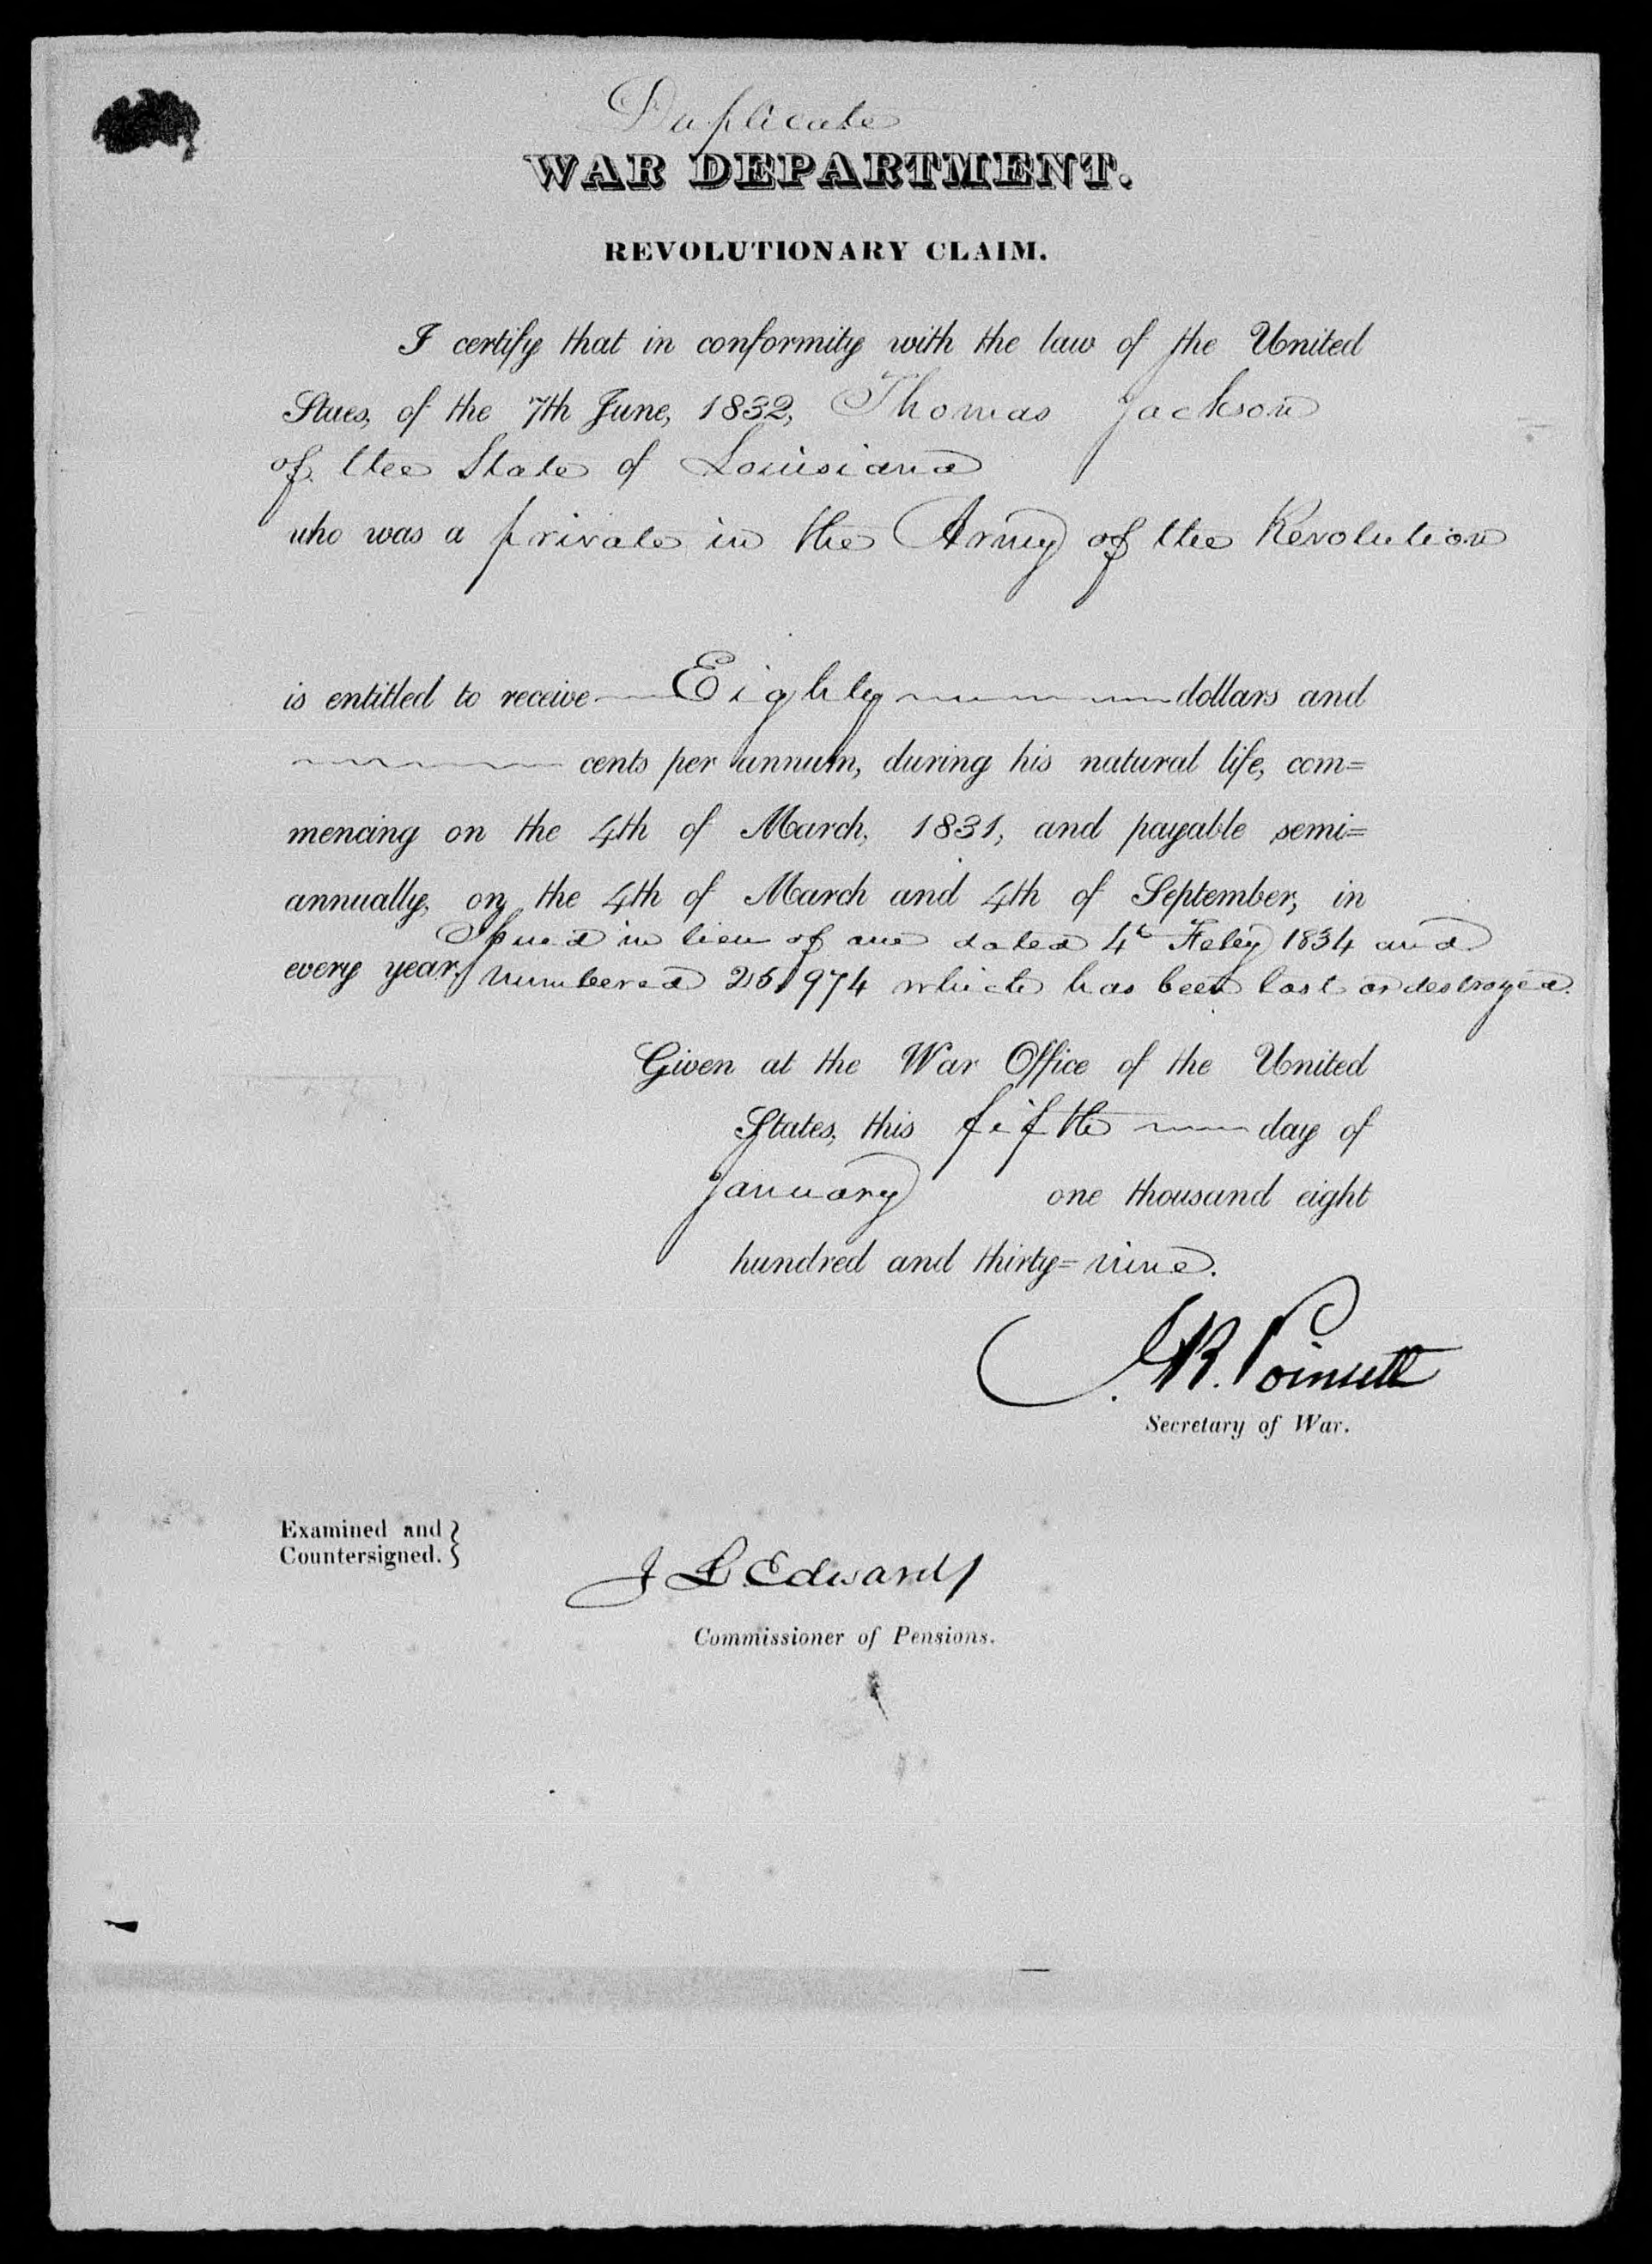Certificate
WAR DEPARTMENT
REVOLUTIONARY CLAIM.
I certify that in conformity with the law of the United States, of the 7th June, 1832, Thomas Jackson of the State of Louisiana who was a private in the Army of the Revolution is entitled to Eighty dollar and .....cents per annum, during his natural life, commencing on the 4th of March, 1831, and payable semi-annually on the 4th of March and 4th of September in every year (offered in lieu of one dated 4th july 1834 and numbered 215 974 which has been lost or destroyed.)


Given at the War Office of the United State this fifth day of January one thousand eight hundred and thirty-nine.

J R Poinsett
Secretary of War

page: 39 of 54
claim: survivor's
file: S. 31166, for Thomas Jackson, South Carolina